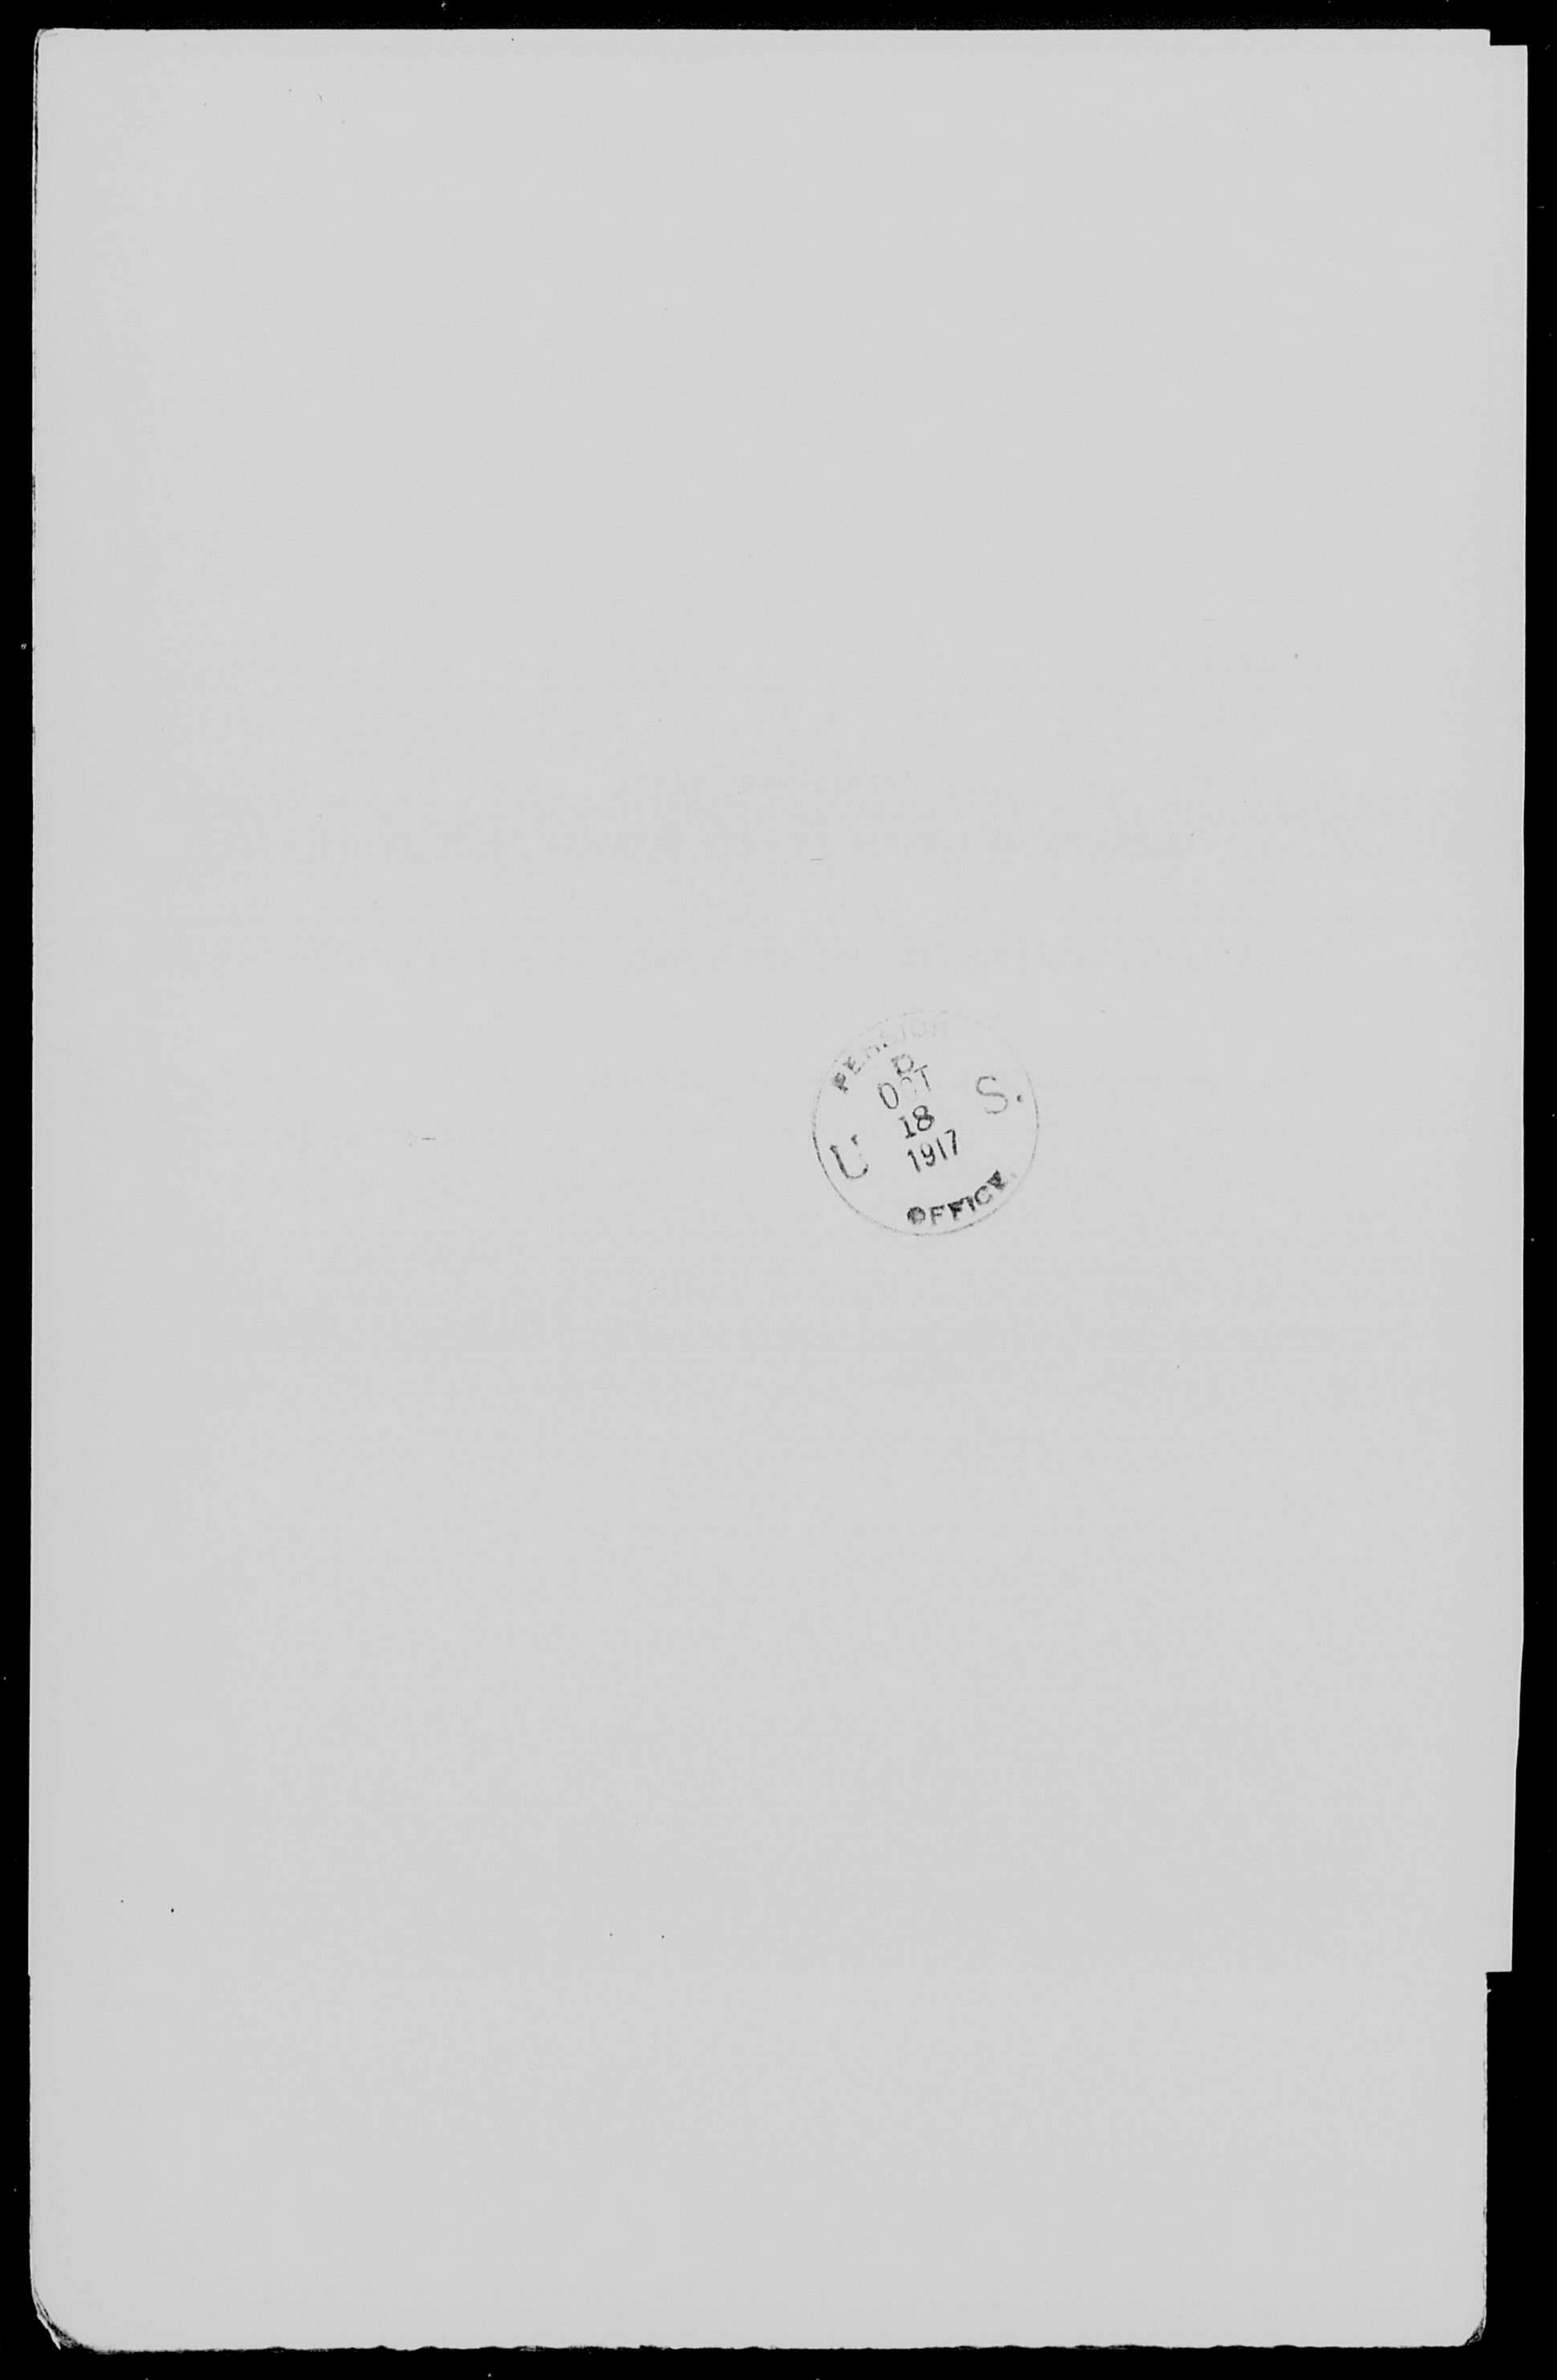[stamp]
U. S. PENSION OFFICE.
D
OCT 18 1917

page: 22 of 34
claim: survivor's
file: S. 39981, Judah Benjamin, Continental (N. H. And N. Y.)